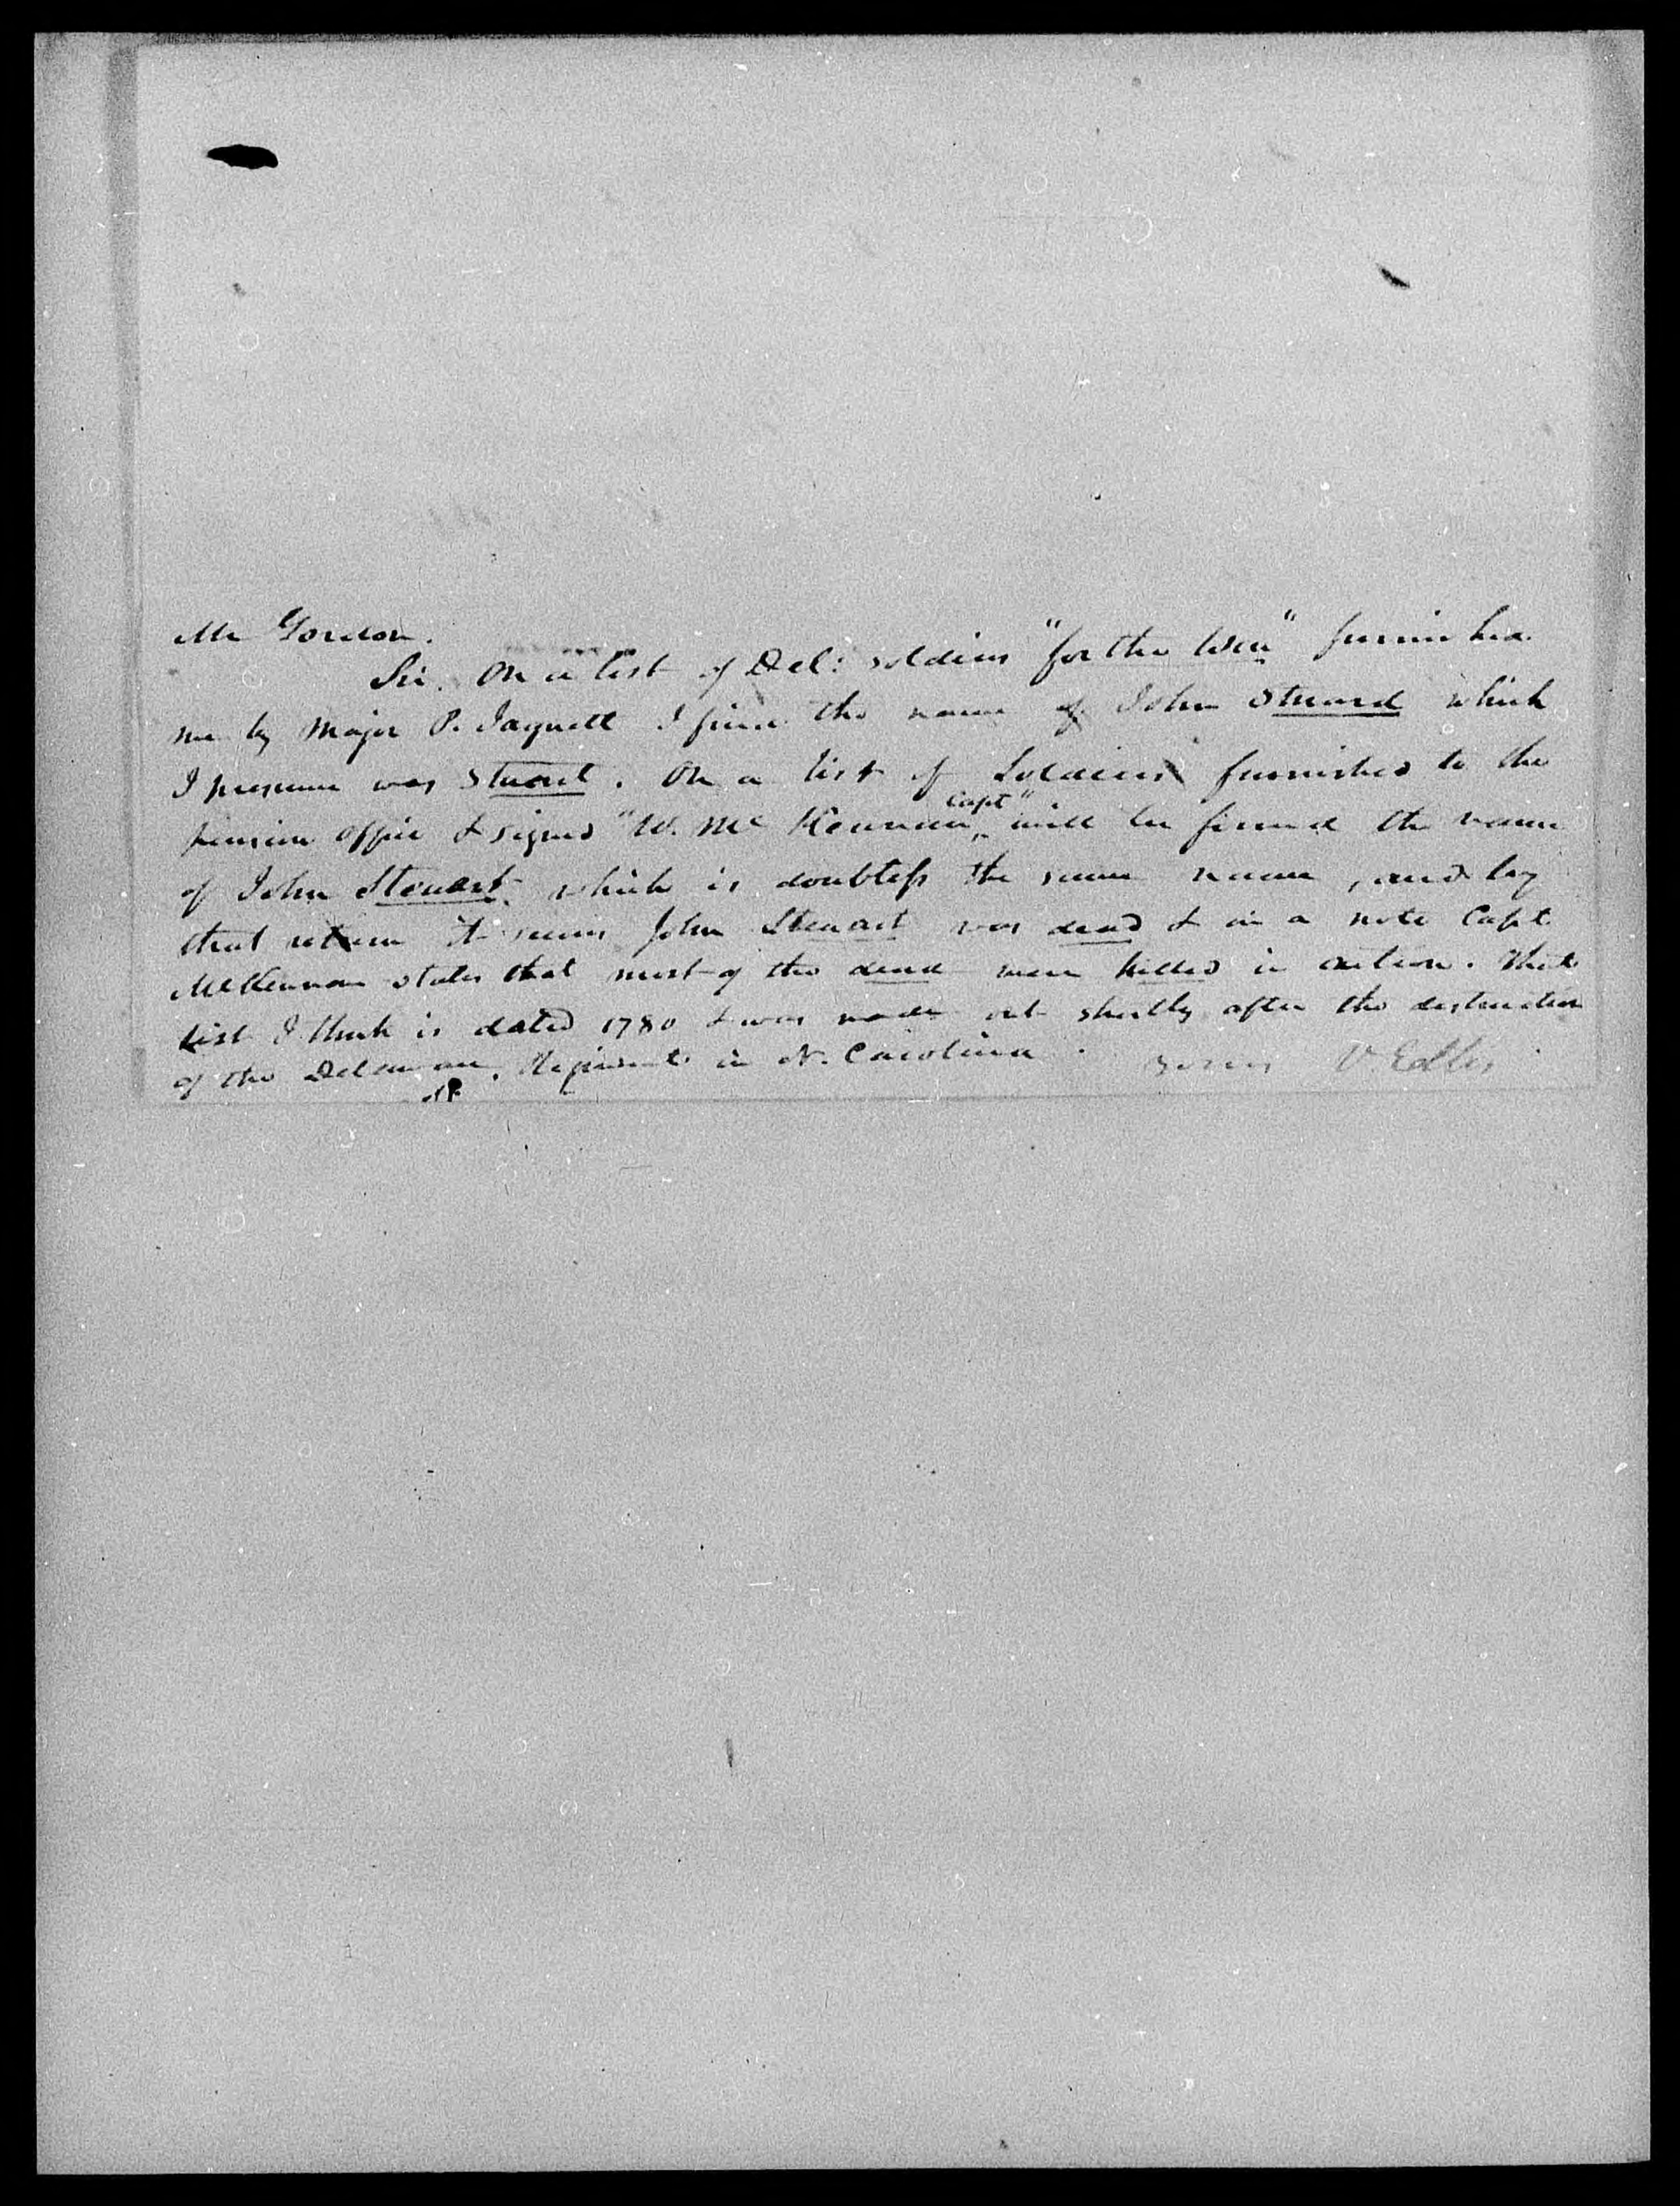Mr Gordon

Sir, on a list of Del: soldiers "for the war" furnished me by Major P. Jaquett I find the name of John Stuard [underlined] which I presume was Stuart [underlined]. on a list of soldiers furnished to the pension office & signed "W. McKennan Capt" will be found the name of John Stewart [underlined], which is doubtless the same name, and by that return the same John Stewart [underlined] was dead [underlined] & in a note capt. McKennan states that most of the dead [underlined] were killed in action. That list I think is dated 1780 & was made out shortly after the destruction of the Delaware Regiment in N. Carolina.

Yours
 V. Ellis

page: 5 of 9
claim: bounty land warrant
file: B. L. Wt. 2081-100, for John Stuart, Delaware